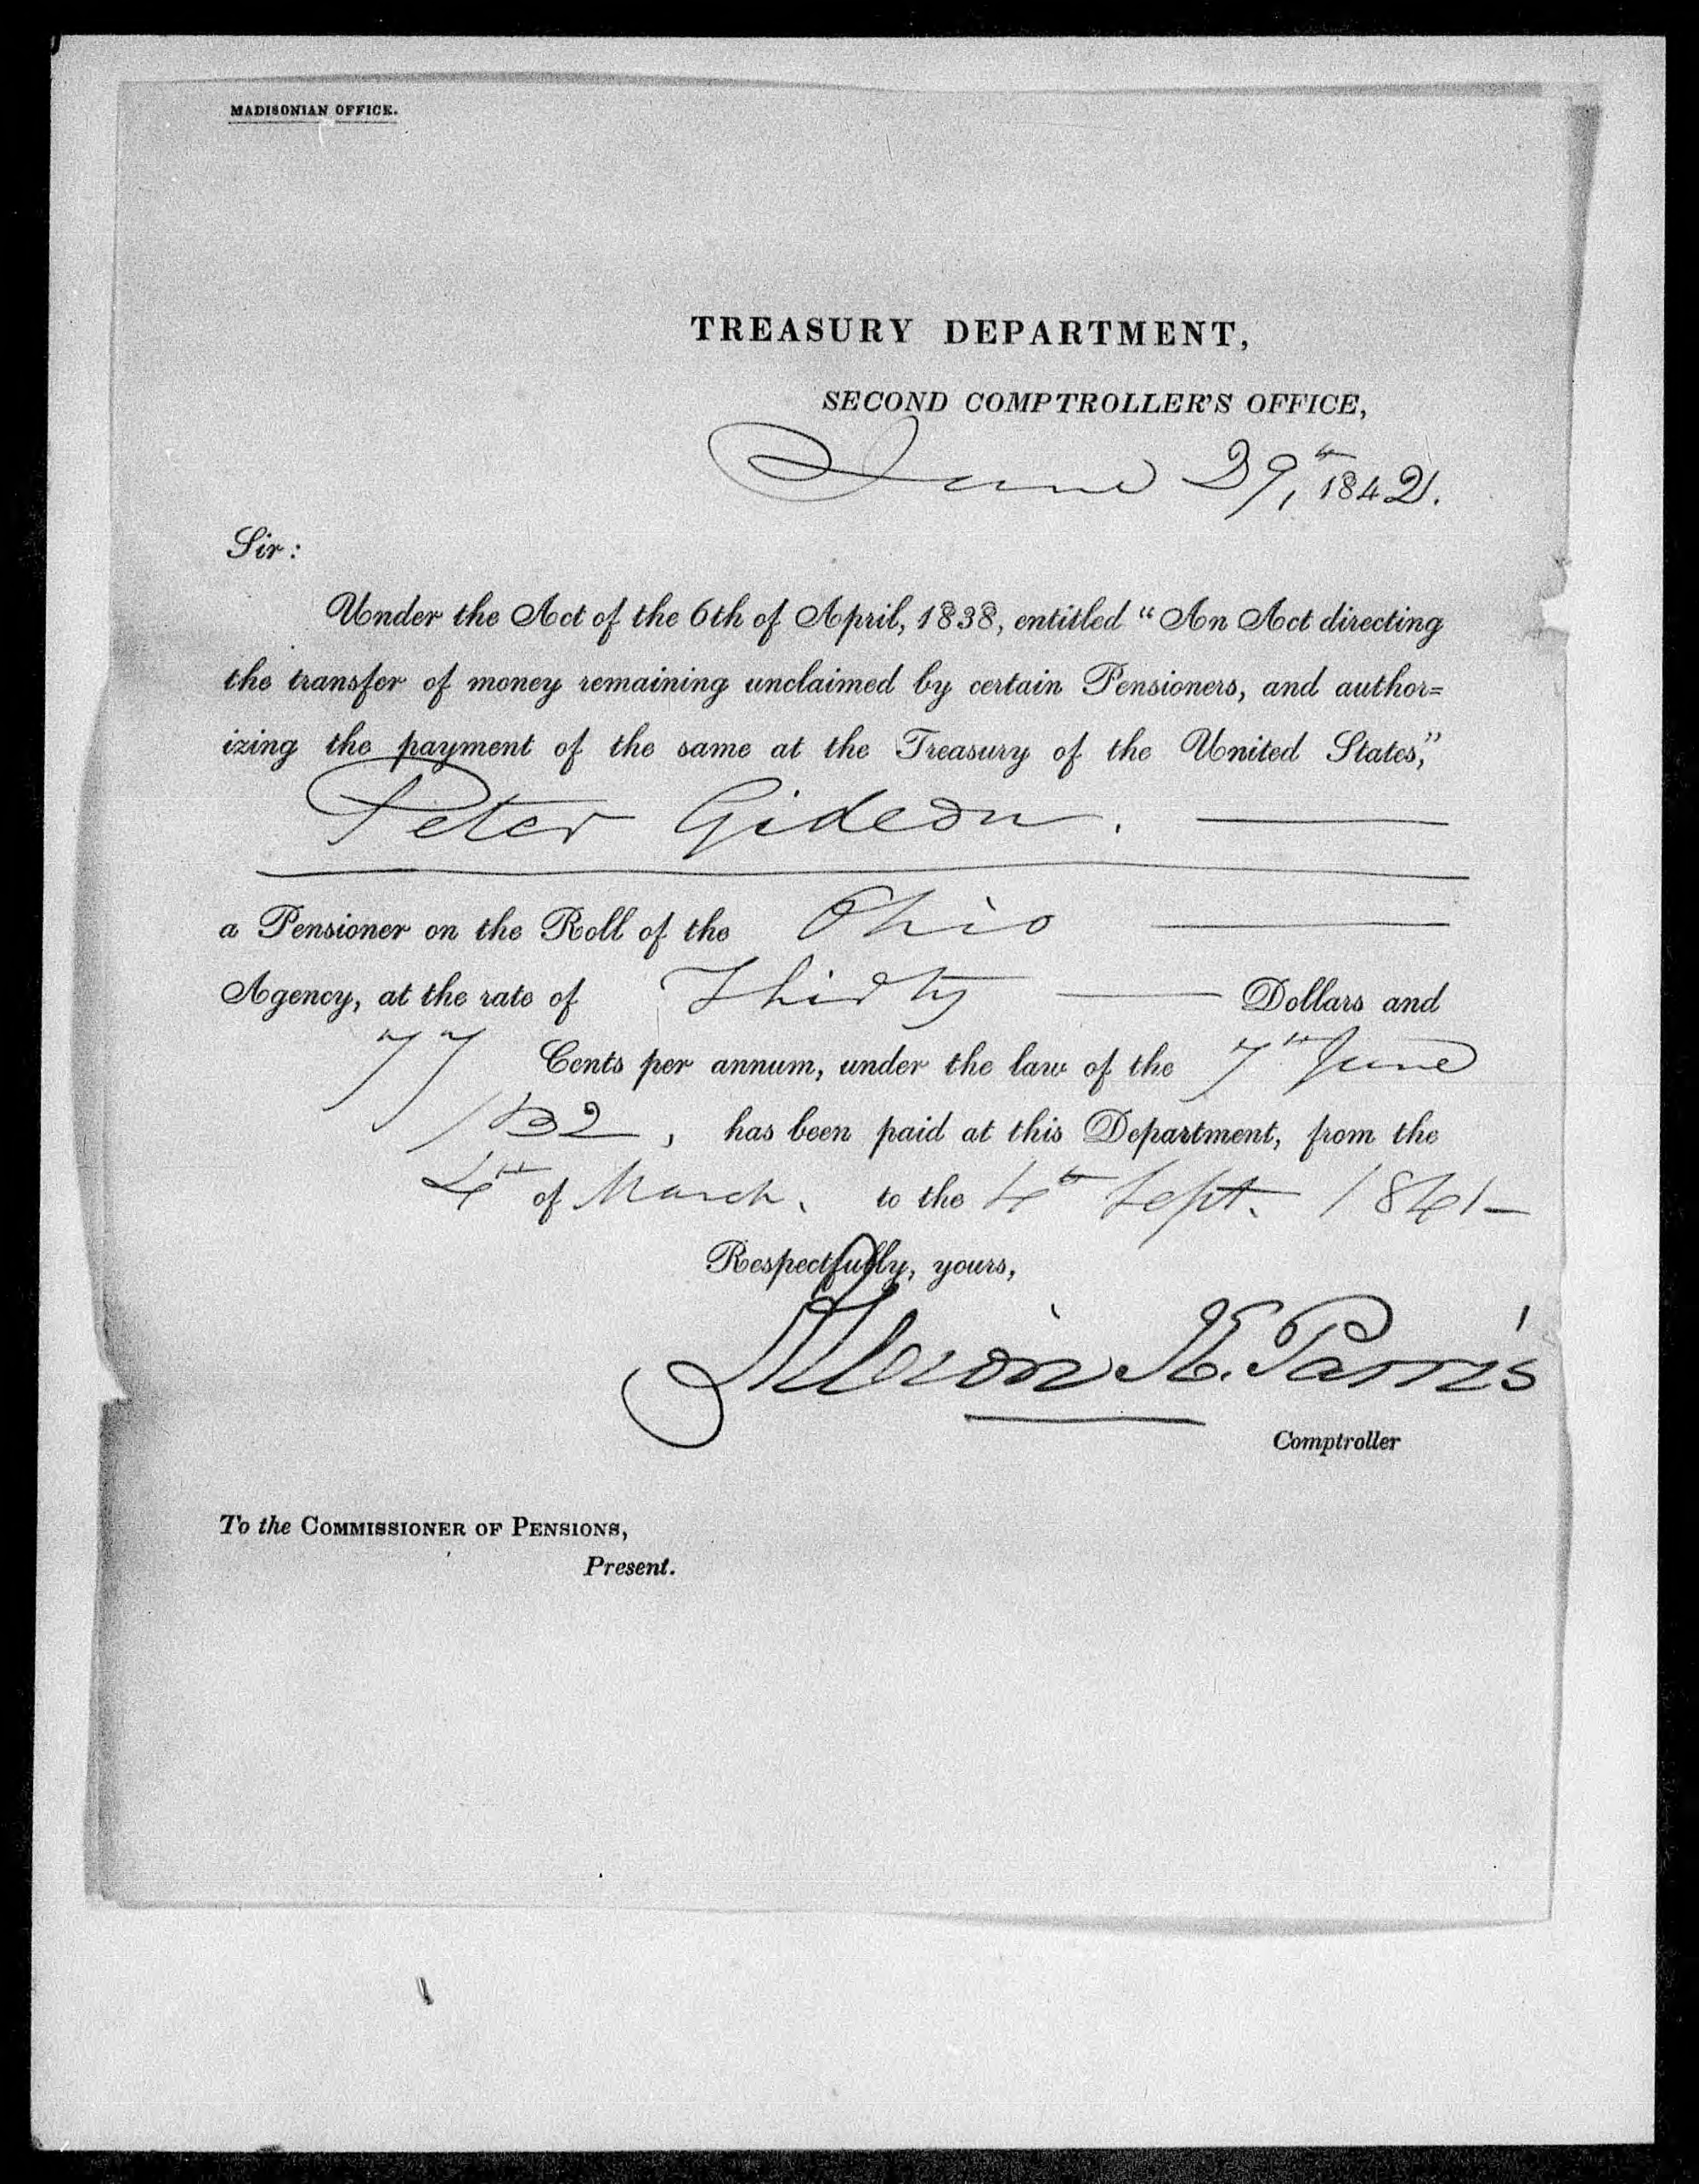Madisonian office

TREASURY DEPARTMENT.
SECOND COMPTROLLER'S OFFICE,
June 29th, 1842.

Under the Act of the 6th of April, 1838, entitled "An Act directing the transfer of money remaining unclaimed by certain Pensioners, and authorizing the payment of the same at the Treasury of the United States, Peter
Gideon Pensioner on the Roll of the Ohio
Agency, at the rate of Thirty  Dollars and 77
Cents per annum, under the law of the 7th June
1832, has been paid at this Department, from the
4th of March,
to the 4th Sept.1841 -


Respectfully, yours

Albion K. Parris
Comptroller

To the Commissioner of pensions,
Present.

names: Albion K Parris, Peter Gideon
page: 16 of 64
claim: survivor's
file: S. 6887, Peter Gideon, Md.